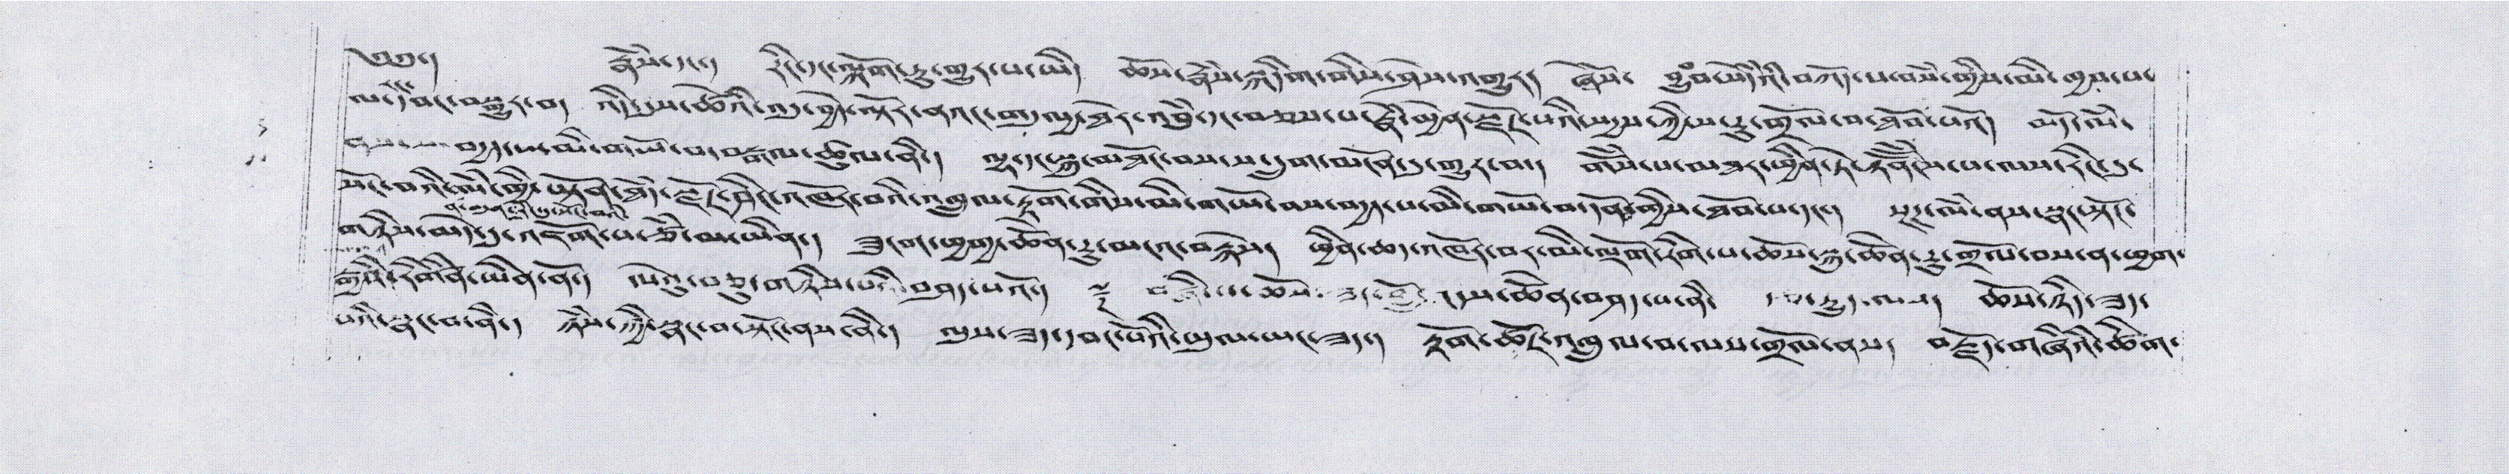རྣམས་དང་། རིང་དང་ལྐོག་ཏུ་གྱུར་པ་ཡི། ཆོས་རྣམས་སྐད་ཅིག་གིས་ཤེས་འགྱུར། ཞེས་སོ། བྱང་ཆུབ་སེམས་དཔའི་བཀོད་པ་བསམ་གྱིས་མི་ཁྱབ་པ་
ལ་དབང་བསྒྱུར་བ། འདི་དུས་ཚེ་ཡི་འདུ་བྱེད་སྟོར་ནའང་གདུལ་བྱ་ཐེར་འབུམ་དང་བཅས་པ་རྣམ་མཁྱེན་རྫོགས་པའི་སངས་རྒྱས་ཀྱི་ས་རུ་གྲོལ་བ་ཐོབ་པའོ། མདོ་ལམ་
ནས་ས་བརྒྱད་པ་མི་གཡོ་བ་བརྒལ་ཚུལ་ནི། ལྷ་དང་སྐུ་མཐོང་བས་ས་དྲུག་མངོན་དུ་གྱུར་པ། གོམས་པ་མཐར་ཕྱིན་ནས་ཉོན་མོངས་པ་ལས་རིང་དུ་
སོང་བའི་ལམ་གྱི་ཡོན་ཏན་ཐམས་ཅད་རྫོགས་ཤིང་འཁོར་བའི་འཁྲུལ་རྟོག་གིས་མི་གཡོ་བས་བརྒྱད་པ་མི་གཡོ་བ་དོན་གྱི་ས་ཐོབ་པ་དང་། སྔགས་ལམ་ནས་སྣང་སྟོང་
གཉིས་མེད་དུ་འཇོག་པ་ཙམ་མ་ཡིན། ཟུང་འཇུག་ཕྱག་རྒྱ་ཆེན་པོ་རུ་མངའ་བརྙེས། ཕྱིན་ཆད་འཁོར་བར་མི་ལྡོག་རིག་པ་ཆོས་སྐུ་ཆེན་པོ་རུ་གྲོལ་བས་ན་ཕྱག་
རྒྱའི་རིག་འཛིན་ཡིན་ནོ། ལེའུ་བཅུ་གཉིས་པའི་བཤད་པའོ།། ༧ བཞི་པ་ཆོས་ཟད་བློ་འདས་ཆེན་པོ་བཤད་པ་ནི། རྩ་རྒྱུད་ལས། ཆོས་ཉིད་ཟད་
པའི་སྣང་བ་ནི། ཉམས་ཀྱི་སྣང་བ་སྟོང་ནས་ནི། ལུས་ཟད་དབང་པོའི་ཡུལ་ཡང་ཟད། རྟོག་ཚོགས་འཁྲུལ་པ་ལས་གྲོལ་ནས། བརྗོད་གཞིའི་ཚིག་